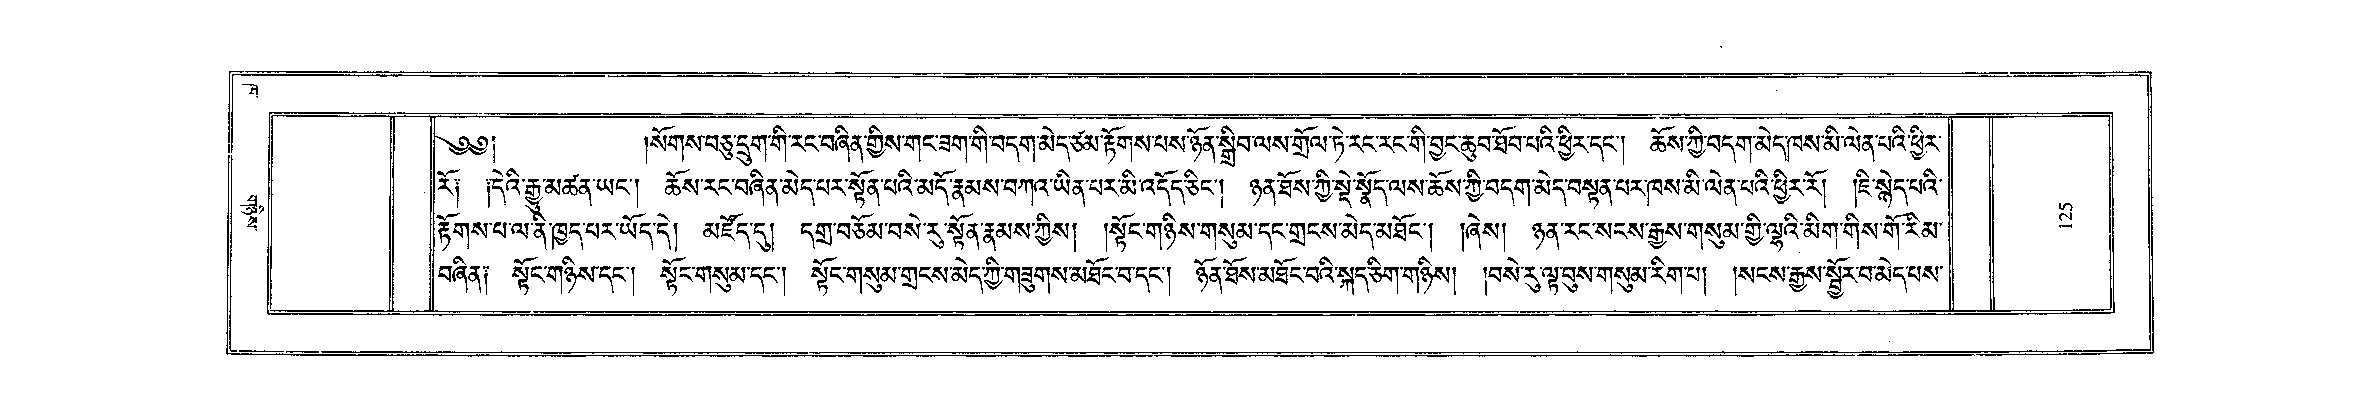༄༅། །སོགས་བཅུ་དྲུག་གི་རང་བཞིན་གྱིས་གང་ཟག་གི་བདག་མེད་ཙམ་རྟོགས་པས་ཉོན་སྒྲིབ་ལས་གྲོལ་ཏེ་རང་རང་གི་བྱང་ཆུབ་ཐོབ་པའི་ཕྱིར་དང་། ཆོས་ཀྱི་བདག་མེད་ཁས་མི་ལེན་པའི་ཕྱིར་
རོ༑ ༑དེའི་རྒྱུ་མཚན་ཡང་། ཆོས་རང་བཞིན་མེད་པར་སྟོན་པའི་མདོ་རྣམས་བཀའ་ཡིན་པར་མི་འདོད་ཅིང་། ཉན་ཐོས་ཀྱི་སྡེ་སྣོད་ལས་ཆོས་ཀྱི་བདག་མེད་བསྟན་པར་ཁས་མི་ལེན་པའི་ཕྱིར་རོ། །ཇི་སྙེད་པའི་
རྟོགས་པ་ལ་ནི་ཁྱད་པར་ཡོད་དེ། མཛོད་དུ། དགྲ་བཅོམ་བསེ་རུ་སྟོན་རྣམས་ཀྱིས། །སྟོང་གཉིས་གསུམ་དང་གྲངས་མེད་མཐོང་། །ཞེས། ཉན་རང་སངས་རྒྱས་གསུམ་གྱི་ལྷའི་མིག་གིས་གོ་རིམ་
བཞིན༑ སྟོང་གཉིས་དང་། སྟོང་གསུམ་དང་། སྟོང་གསུམ་གྲངས་མེད་ཀྱི་གཟུགས་མཐོང་བ་དང་། ཉོན་ཐོས་མཐོང་བའི་སྐད་ཅིག་གཉིས། །བསེ་རུ་ལྟ་བུས་གསུམ་རིག་པ། །སངས་རྒྱས་སྦྱོར་བ་མེད་པས་